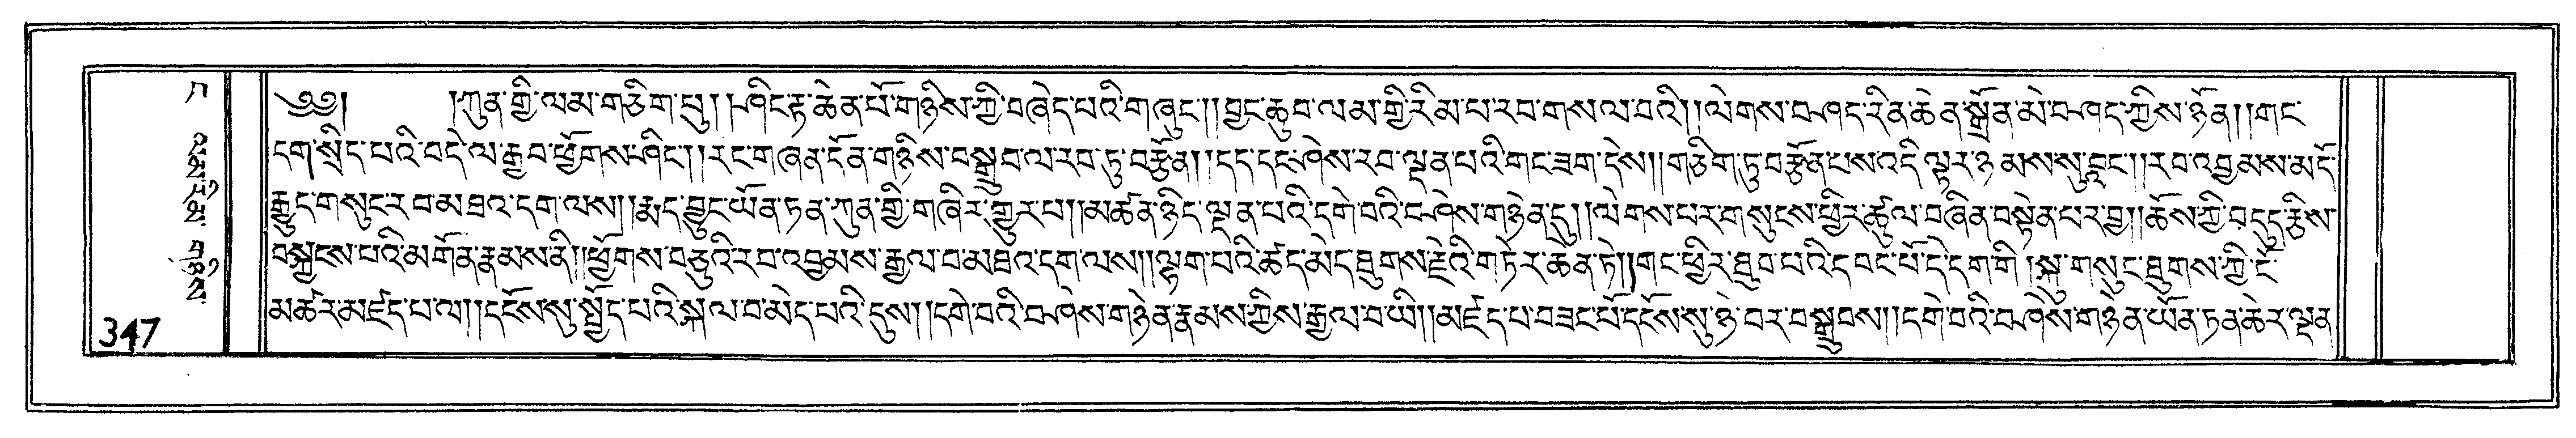༄༅། །ཀུན་གྱི་ལམ་གཅིག་པུ། །ཤིང་རྟ་ཆེན་པོ་གཉིས་ཀྱི་བཞེད་པའི་གཞུང་། །བྱང་ཆུབ་ལམ་གྱི་རིམ་པ་རབ་གསལ་བའི། །ལེགས་བཤད་རིན་ཆེན་སྒྲོན་མེ་བཤད་ཀྱིས་ཉོན། །གང་
དག་སྲིད་པའི་བདེ་ལ་རྒྱབ་ཕྱོགས་ཤིང་། །རང་གཞན་དོན་གཉིས་བསྒྲུབ་ལ་རབ་ཏུ་བརྩོན། །དད་དང་ཤེས་རབ་ལྡན་པའི་གང་ཟག་དེས། །གཅིག་ཏུ་བརྩོན་པས་འདི་ལྟར་ཉམས་སུ་བླང་། །རབ་འབྱམས་མདོ་
རྒྱུད་གསུང་རབ་མཐའ་དག་ལས། །རྨད་བྱུང་ཡོན་ཏན་ཀུན་གྱི་གཞིར་གྱུར་པ། །མཚན་ཉིད་ལྡན་པའི་དགེ་བའི་བཤེས་གཉེན་དུ། །ལེགས་པར་གསུངས་ཕྱིར་ཚུལ་བཞིན་བསྟེན་པར་བྱ། །ཆོས་ཀྱི་བདུད་རྩིས་
བསྐྱངས་པའི་མགོན་རྣམས་ནི། །ཕྱོགས་བཅུའི་རབ་འབྱམས་རྒྱལ་བ་མཐའ་དག་ལས། །ལྷག་པའི་ཚད་མེད་ཐུགས་རྗེའི་གཏེར་ཆེན་ཏེ། །གང་ཕྱིར་ཐུབ་པའི་དབང་པོ་དེ་དག་གི །སྐུ་གསུང་ཐུགས་ཀྱི་ངོ་
མཚར་མཛད་པ་ལ། །དངོས་སུ་སྤྱོད་པའི་སྐལ་བ་མེད་པའི་དུས། །དགེ་བའི་བཤེས་གཉེན་རྣམས་ཀྱིས་རྒྱལ་བ་ཡི། །མཛད་པ་བཟང་པོ་དངོས་སུ་ཉེ་བར་བསྒྲུབས། །དགེ་བའི་བཤེས་གཉེན་ཡོན་ཏན་ཆེར་ལྡན་